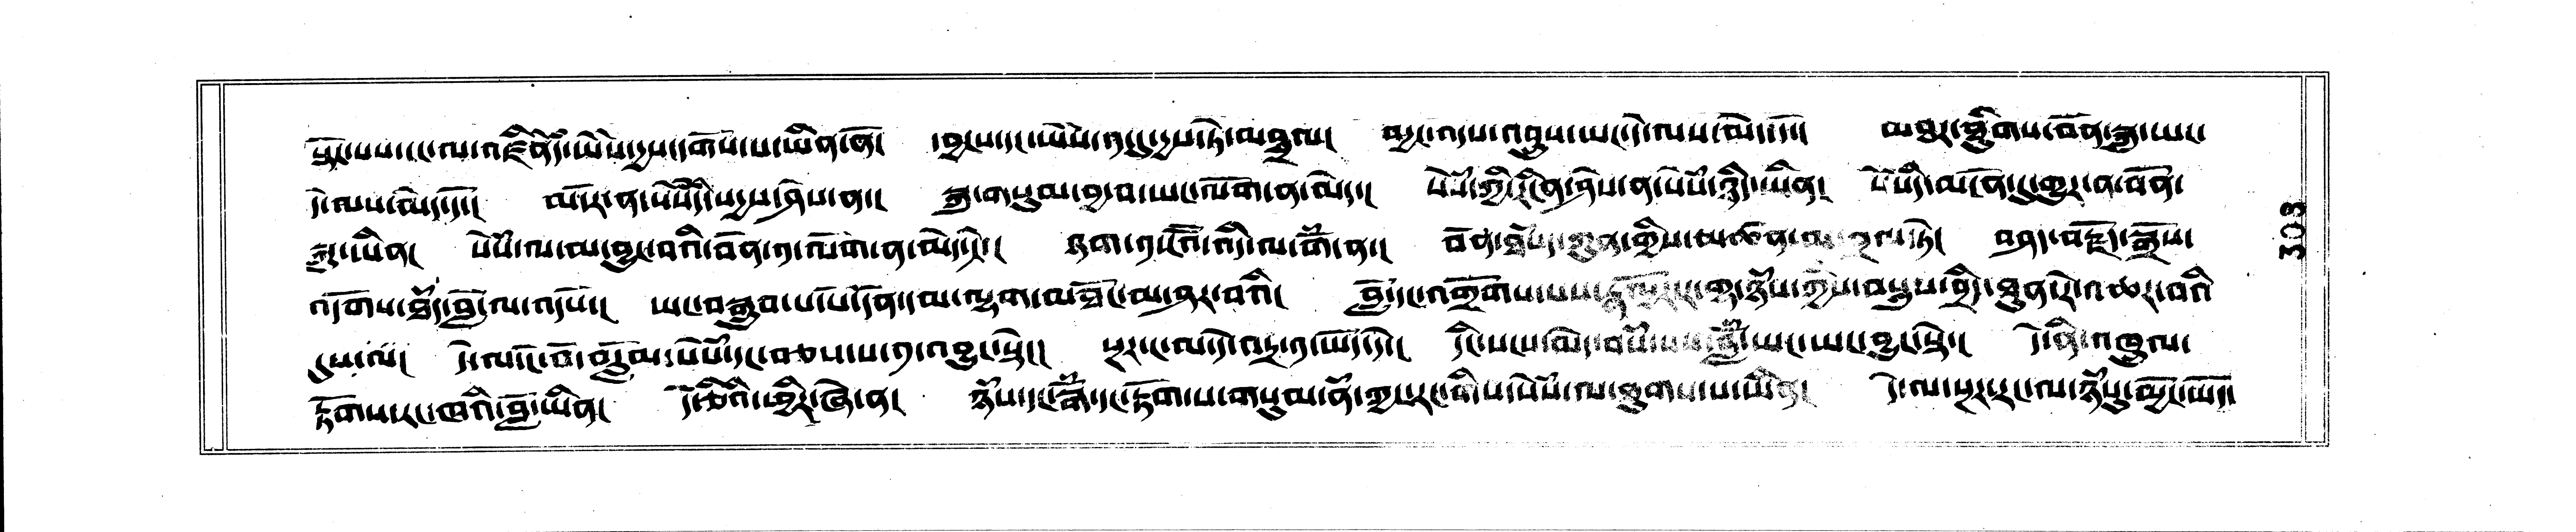སྟོང་པའི་ངང་ལ་འཛིན་མེད་ཡེ་ཤེས་རྒྱས་དགོས་པ་ཡིན། དབྱིངས་དང་ཡེ་ཤེས་གཅིག་དུ་རྒྱས་ཏེ་མཐའ་དང་བྲལ་ན། མྱང་འདས་ཀྱི་འབྲས་བུ་དེ་ལས་མེད་དོ། མཐར་ཐུགས་ཀྱི་བོན་སྐུ་ཡང་
དེ་ལས་མེད་དོ། མདོར་ན་སེམས་ཉིད་སངས་རྒྱས་སུ་ཤེས་ན་ སྐུ་གསུམ་བྱ་བ་ལོག་ན་མེད། སེམས་ཀྱིས་རང་བཞིན་ཤེས་ན་སེམས་ཉིད་ཡིན། སེམས་མངོན་དུ་གྱུར་ན་བོན་
སྐུ་ཡིན། སེམས་ལས་མ་བྱུང་པའི་བོན་གཅིག་ལོགས་ན་མེད་དེ། ཉག་གཅིག་ངོའོ་འདི་ལ་མ་གོམས་ན། བོན་རྣམས་ཀུན་གྱིས་མཚན་མ་དང་བྲལ་ཏེ། བཤད་བརྗོད་སྒྲོས་
འདོག་ཐམས་ཅད་བློ་ལས་འདས་སོ། ཡང་བསྒྲུབ་པ་པོ་དོན་དམ་ལྷག་མཐོང་དུ་མི་ཤར། བློ་དང་འགྲོགས་པའི་རྣལ་འབྱོར་པ་རེས་གྷས་(འགས)། ཉམས་ཀྱིས་བསླུ་བྲིད་ཐུན་རེ་འཆར་བའི་
དུས་ལ། དེ་ལ་ང་བོ་རློམས་སེམས་དང་ཆས་པ་གཅིག་འབྱུང་སྟེ། སྔར་ང་ལ་དེ་འདྲ་གཅིག་ཡོད། དེང་སང་མེད་བསམ་པའི་བློ་ཡང་འབྱུང་སྟེ། དེ་ནི་འཁྲུལ་
རྟོག་ཉོན་མོངས་རང་ཁའི་བློ་ཡིན། དེ་ཅིའི་ཕྱིར་ཞེ་ན། ཉམས་དང་སྒོམ་པ་རྟོག་པ་གསུམ། ནམ་ཀྱང་༼ཡང་༽རང་གི་སེམས་ལས་ཐུག་པ་ཡིན། དེ་ལ་སྔར་རང་ལ་ཉམས་མྱོང་ཡོད་